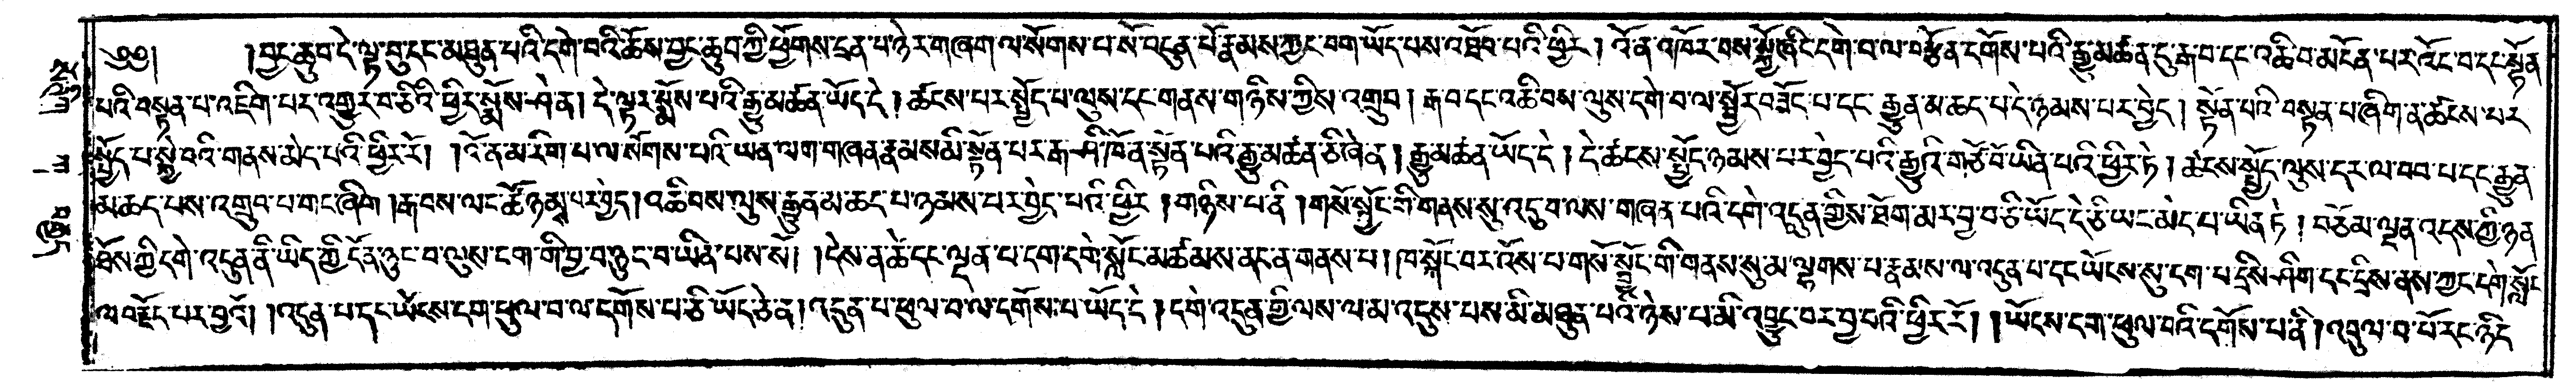༄༅། །བྱང་ཆུབ་དེ་ལྟ་བུ་དང་མཐུན་པའི་དགེ་བའི་ཆོས་བྱང་ཆུབ་ཀྱི་ཕྱོགས་དྲན་པ་ཉེར་གཞག་ལ་སོགས་པ་སོ་བདུན་པོ་རྣམས་ཀྱང་བག་ཡོད་པས་འཐོབ་པའི་ཕྱིར། འོ་ན་འཁོར་བས་སྐྱོ་ཞིང་དགེ་བ་ལ་བརྩོན་དགོས་པའི་རྒྱུ་མཚན་དུ་རྒ་བ་དང་འཆི་བ་མངོན་པར་འོང་བ་དང་སྟོན་
པའི་བསྟན་པ་འཇིག་པར་འགྱུར་བ་ཅིའི་ཕྱིར་སྨོས་ཤེ་ན། དེ་ལྟར་སྨོས་པའི་རྒྱུ་མཚན་ཡོད་དེ། ཚངས་པར་སྤྱོད་པ་ལུས་དང་གནས་གཉིས་ཀྱིས་འགྲུབ། རྒ་བ་དང་འཆི་བས་ལུས་དགེ་བ་ལ་སྦྱོར་བཟོད་པ་དང་རྒྱུན་མ་ཆད་པ་དེ་ཉམས་པར་བྱེད། སྟོན་པའི་བསྟན་པ་ཞིག་ན་ཚངས་པར་
སྤྱོད་པ་སྐྱེ་བའི་གནས་མེད་པའི་ཕྱིར་རོ། །འོ་ན་མ་རིག་པ་ལ་སོགས་པའི་ཡན་ལག་གཞན་རྣམས་མི་སྟོན་པར་རྒ་ཤི་ཁོ་ན་སྟོན་པའི་རྒྱུ་མཚན་ཅི་ཞེ་ན། རྒྱུ་མཚན་ཡོད་དེ། དེ་ཚངས་སྤྱོད་ཉམས་པར་བྱེད་པའི་རྒྱུའི་གཙོ་བོ་ཡིན་པའི་ཕྱིར་ཏེ། ཚངས་སྤྱོད་ལུས་དར་ལ་བབ་པ་དང་རྒྱུན་
མ་ཆད་པས་འགྲུབ་པ་གང་ཞིག །རྒ་བས་ལང་ཚོ་ཉམས་པར་བྱེད། འཆི་བས་ལུས་རྒྱུན་མ་ཆད་པ་ཉམས་པར་བྱེད་པའི་ཕྱིར་།གཉིས་པ་ནི་།གསོ་སྦྱོང་གི་གནས་སུ་འདུ་བ་ལས་གཞན་པའི་དགེ་འདུན་གྱིས་ཐོག་མར་བྱ་བ་ཅི་ཡོད་དེ་ཅི་ཡང་མེད་པ་ཡིན་ཏེ། བཅོམ་ལྡན་འདས་ཀྱི་ཉན་
ཐོས་ཀྱི་དགེ་འདུན་ནི་ཡིད་ཀྱི་དོན་ཉུང་བ་ལུས་ངག་གི་བྱ་བ་ཉུང་བ་ཡིན་པས་སོ། །དེས་ན་ཚེ་དང་ལྡན་པ་དག་དགེ་སློང་མཚམས་ནང་ན་གནས་པ། ཁ་སྐོང་བར་འོས་པ་གསོ་སྦྱོང་གི་གནས་སུ་མ་ལྷགས་པ་རྣམས་ལ་འདུན་པ་དང་ཡོངས་སུ་དག་པ་དྲིས་ཤིག་དང་དྲིས་ནས་ཀྱང་དགེ་སློང་
ལ་བརྗོད་པར་བྱའོ། །འདུན་པ་དང་ཡོངས་དག་ཕུལ་བ་ལ་དགོས་པ་ཅི་ཡོད་ཅེ་ན། འདུན་པ་ཕུལ་བ་ལ་དགོས་པ་ཡོད་དེ་།དགེ་འདུན་གྱི་ལས་ལ་མ་འདུས་པས་མི་མཐུན་པའི་ཉེས་པ་མི་འབྱུང་བར་བྱ་བའི་ཕྱིར་རོ། །ཡོངས་དག་ཕུལ་བའི་དགོས་པ་ནི་།འབུལ་བ་པོ་རང་ཉིད་